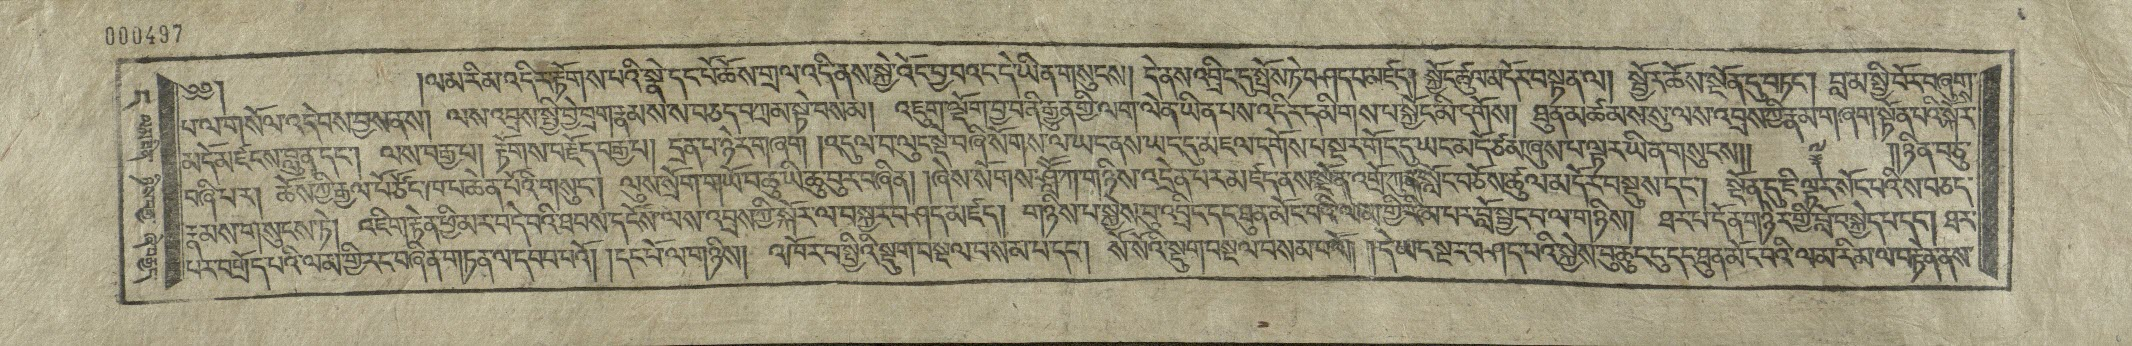༄༅། །ལམ་རིམ་འདིར་རྟོགས་པའི་སྣེ་དང་པོ་ཆོས་གྲལ་འདི་ནས་སྐྱེ་འོང་བྱ་བའང་དེ་ཡིན་གསུངས། དེ་ནས་འབྲིང་དུ་སྤྲོས་ཏེ་བཤད་པ་མཛད། སྐྱོང་ཚུལ་མདོར་བསྟན་ལ། སྦྱོར་ཆོས་སྔོན་དུ་བཏང་། བླ་མ་སྤྱི་བོར་བཞུགས་
པ་ལ་གསོལ་འདེབས་བྱས་ནས། ལས་འབྲས་སྤྱི་བྱེ་བྲག་རྣམས་ས་བཅད་བཀྲམ་སྟེ་བསམ། འཇུག་ལྡོག་བྱ་བ་ནི་རྒྱུན་གྱི་ལག་ལེན་ཡིན་པས་འདིར་དམིགས་པ་སྐྱོང་མི་དགོས། ཐུན་མཚམས་སུ་ལས་འབྲས་ཀྱི་རྣམ་གཞག་སྟོན་པའི་སྐོར་
མདོ་མཛངས་བླུན་དང་། ལས་བརྒྱ་པ། རྟོགས་བརྗོད་བརྒྱ་པ། དྲན་པ་ཉེར་གཞག །འདུལ་བ་ལུང་སྡེ་བཞི་སོགས་ལ་ཡང་ནས་ཡང་དུ་མཇལ་དགོས་པ་སྔར་གོང་དུ་ཡང་མདོ་ཙམ་ཞུས་པ་ལྟར་ཡིན་གསུངས།། ༈ །།ཉིན་བཅུ་
བཞི་པར། ཆོས་ཀྱི་རྒྱལ་པོ་ཙོང་ཁ་པ་ཆེན་པོའི་གསུང་། ལུས་སྲོག་གཡོ་བ་ཆུ་ཡི་ཆུ་བུར་བཞིན། །ཞེས་སོགས་ཤླཽ་ཀ་གཉིས་འདྲེན་པར་མཛད་ནས་སྔོན་འགྲོ་ཀུན་སློང་བཅོས་ཚུལ་མདོར་བསྡུས་དང་། སྔོན་དུ་ཇི་ལྟར་སོང་པའི་ས་བཅད་
རྣམས་གསུངས་ཏེ། འཇིག་རྟེན་ཕྱི་མར་བདེ་བའི་ཐབས་དངོས་ལས་འབྲས་ཀྱི་སྐོར་ལ་བསྐྱར་བཤད་མཛད། གཉིས་པ་སྐྱེས་བུ་འབྲིང་དང་ཐུན་མོང་བའི་ལམ་གྱི་རིམ་པར་བློ་སྦྱང་བ་ལ་གཉིས། ཐར་པ་དོན་གཉེར་གྱི་བློ་བསྐྱེད་པ་དང་། ཐར་
པར་བགྲོད་པའི་ལམ་གྱི་རང་བཞིན་གཏན་ལ་དབབ་པའོ། །དང་པོ་ལ་གཉིས། འཁོར་བ་སྤྱིའི་སྡུག་བསྔལ་བསམ་པ་དང་། སོ་སོའི་སྡུག་བསྔལ་བསམ་པའོ། །དེ་ཡང་སྔར་བཤད་པའི་སྐྱེས་བུ་ཆུང་ངུ་དང་ཐུན་མོང་བའི་ལམ་རིམ་ལ་བརྟེན་ནས་